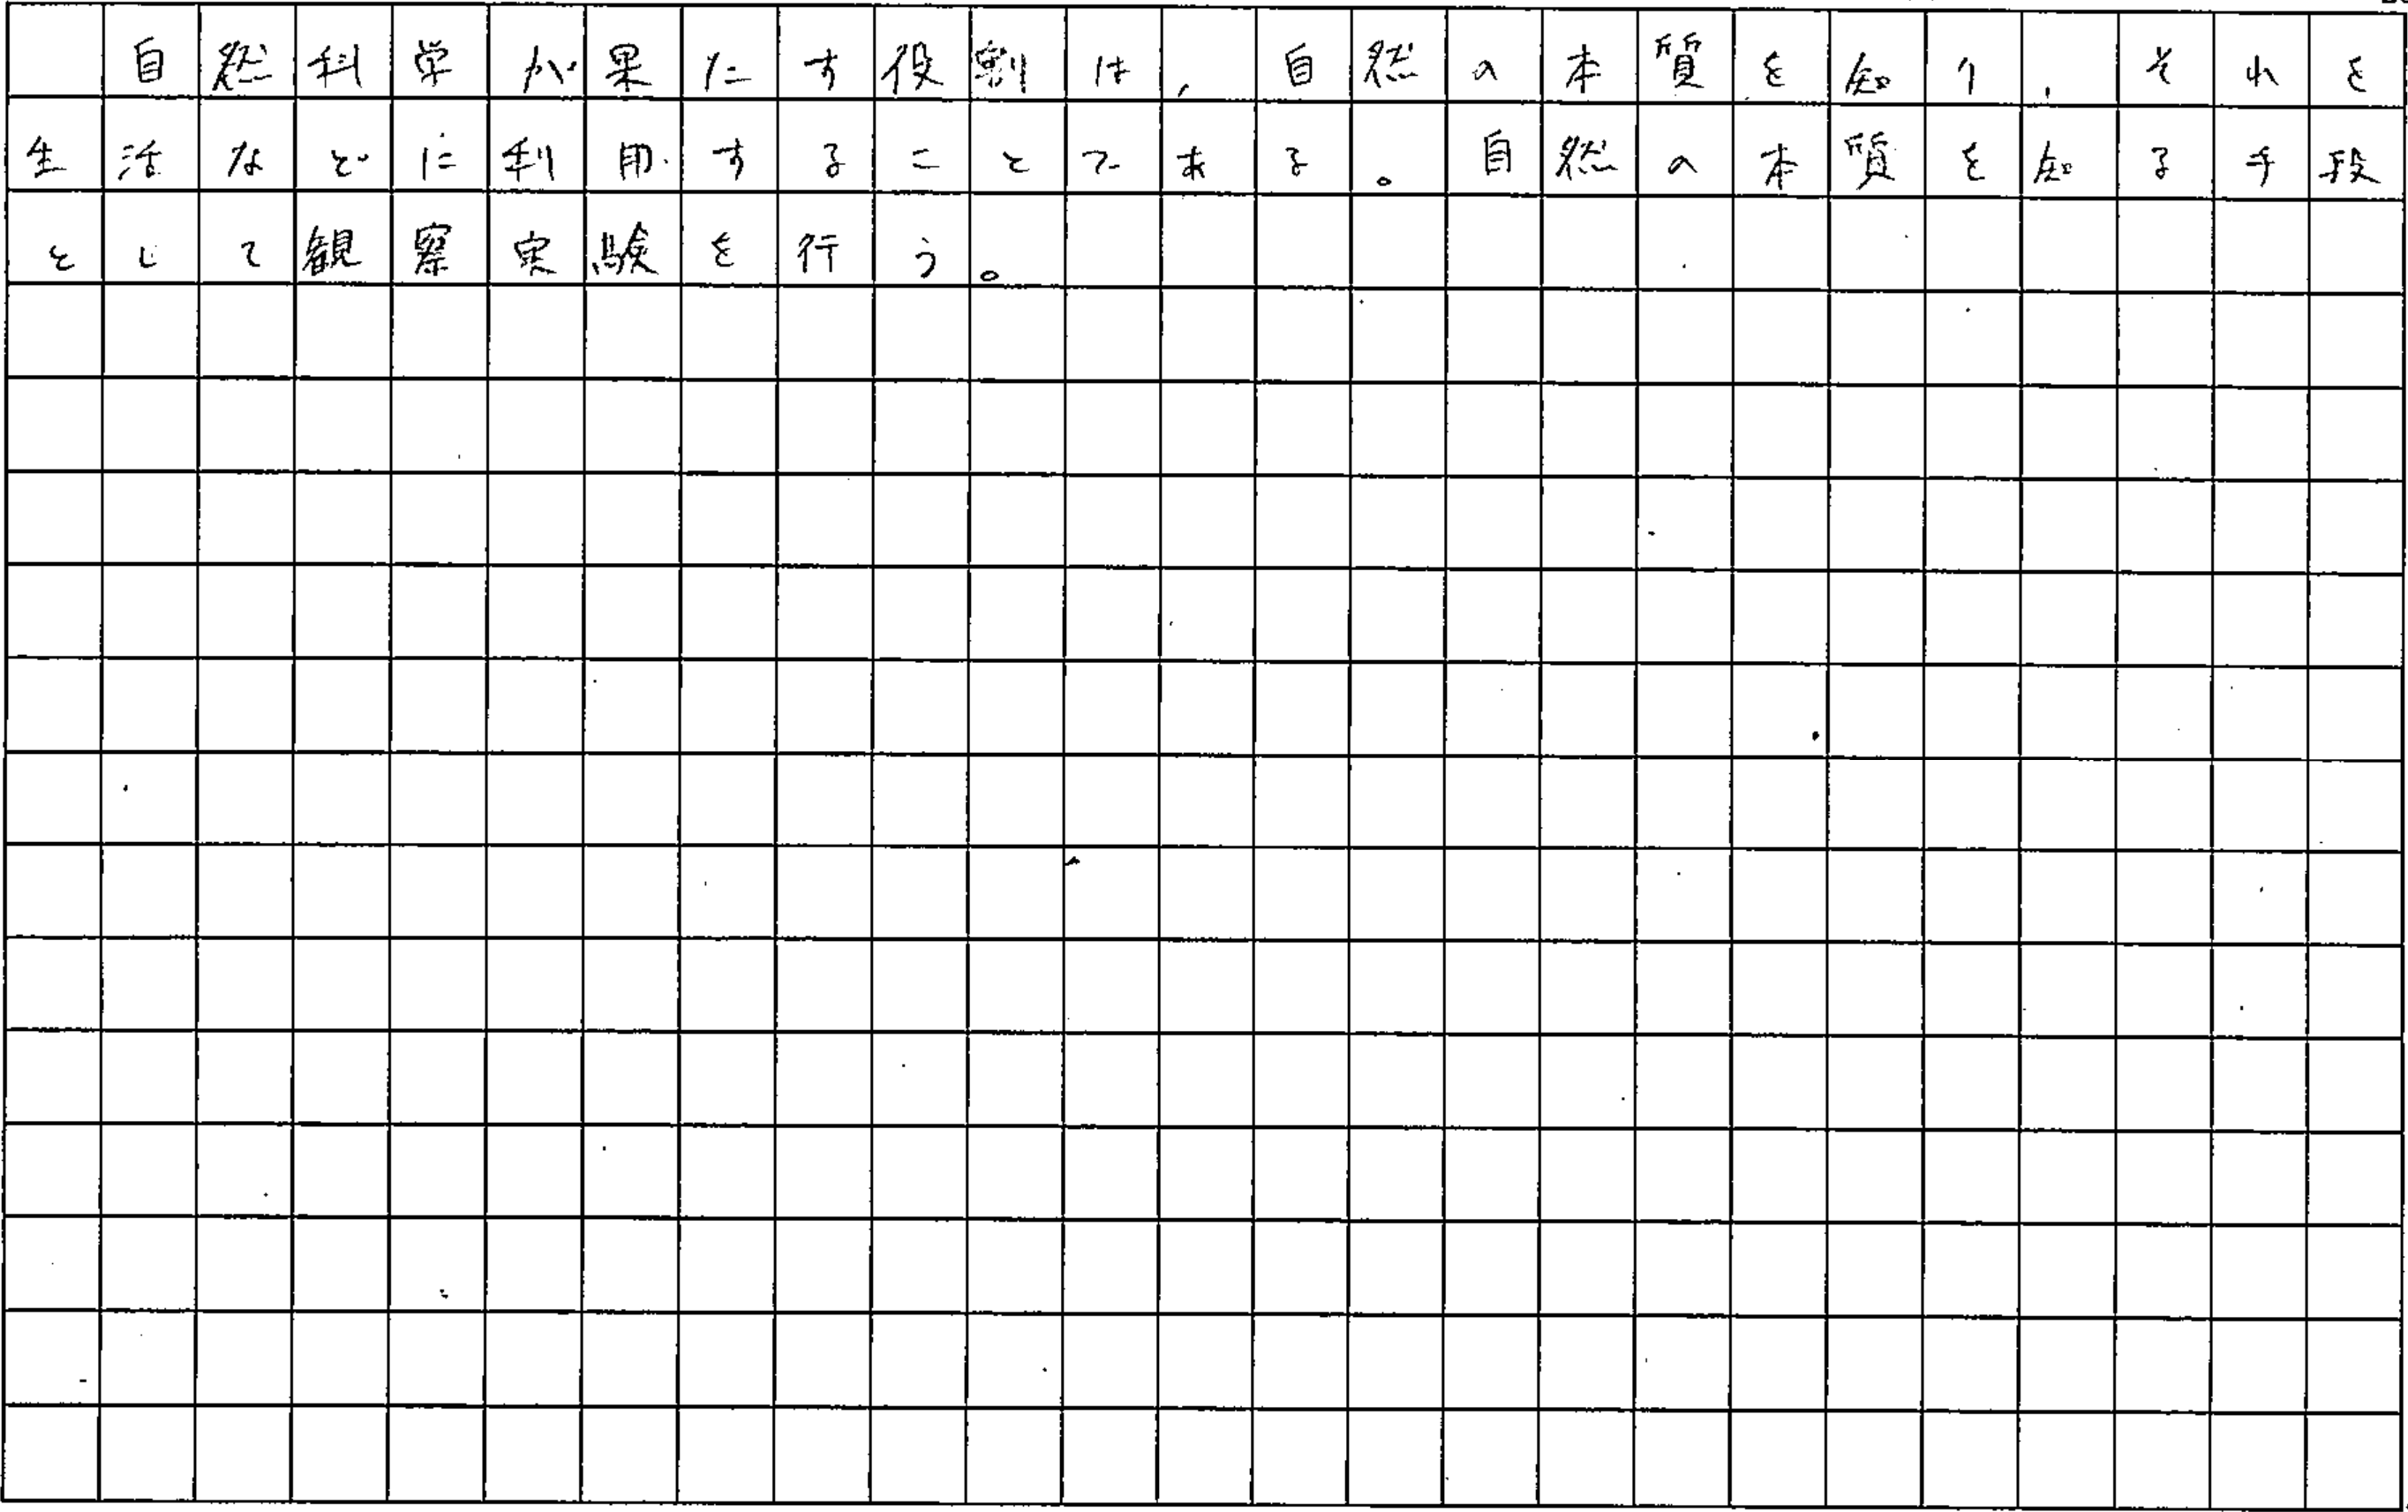　自然科学が果たす役割は、自然の本質を知り、それを生活などに利用することである。自然の本質を知る手段として観察実験を行う。
